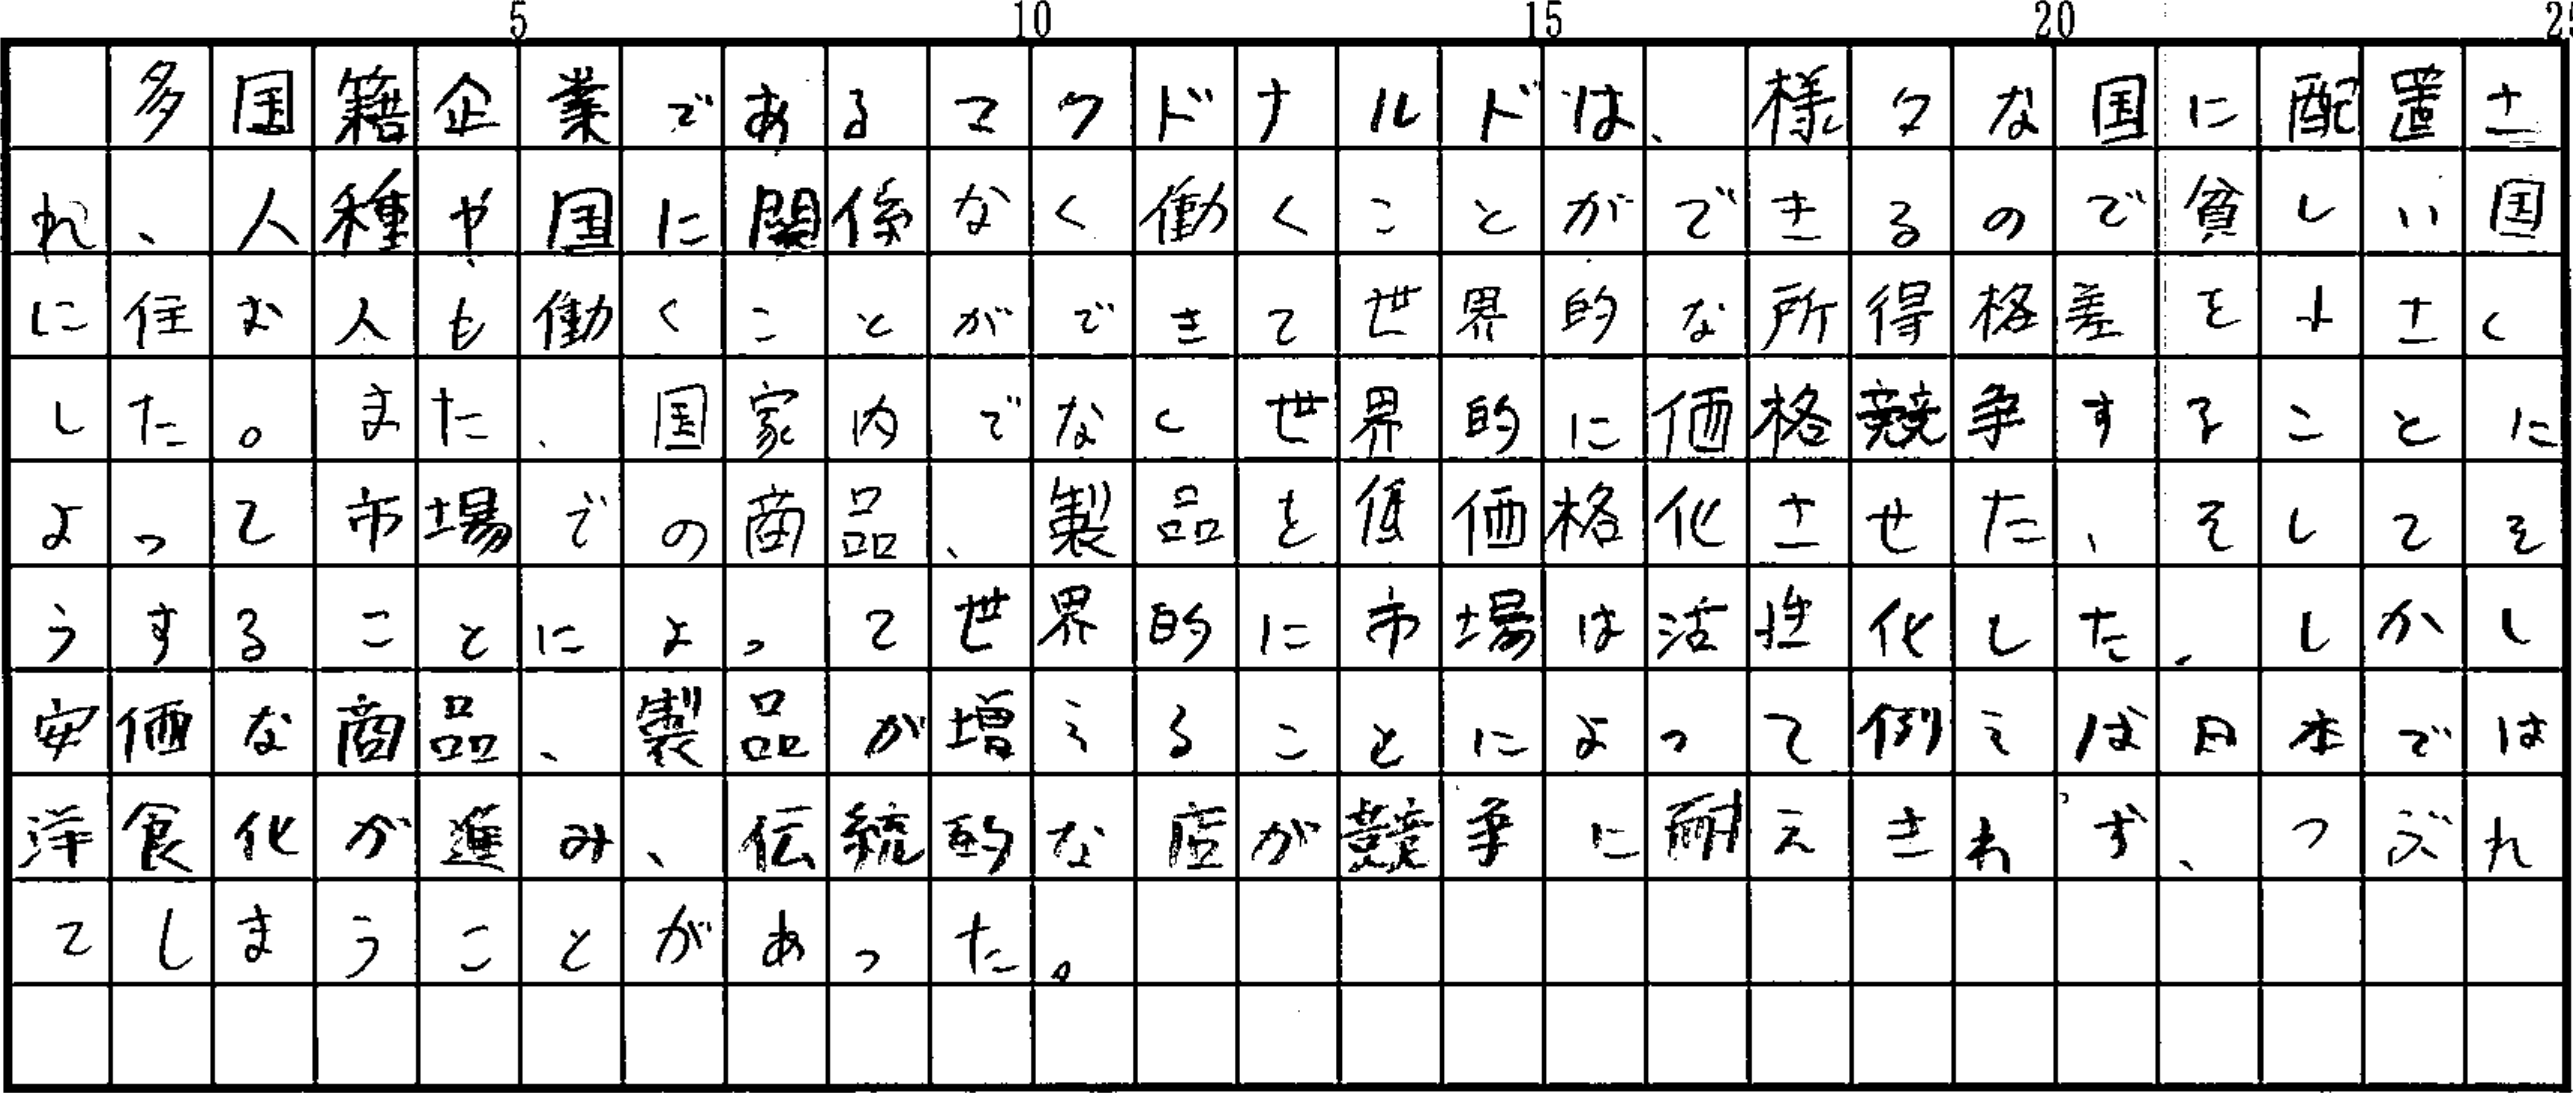　多国籍企業であるマクドナルドは、様々な国に配置され、人種や国に関係なく働くことができるので貧しい国に住む人も働くことができて世界的な所得格差を小さくした。また、国家内でなく世界的に価格競争することによって市場での商品、製品を低価格化させた、そしてそうすることによって世界的に市場は活性化した。しかし安価な商品、製品が増えることによって例えば日本では洋食化が進み、伝統的な店が競争に耐えきれず、つぶれてしまうことがあった。
